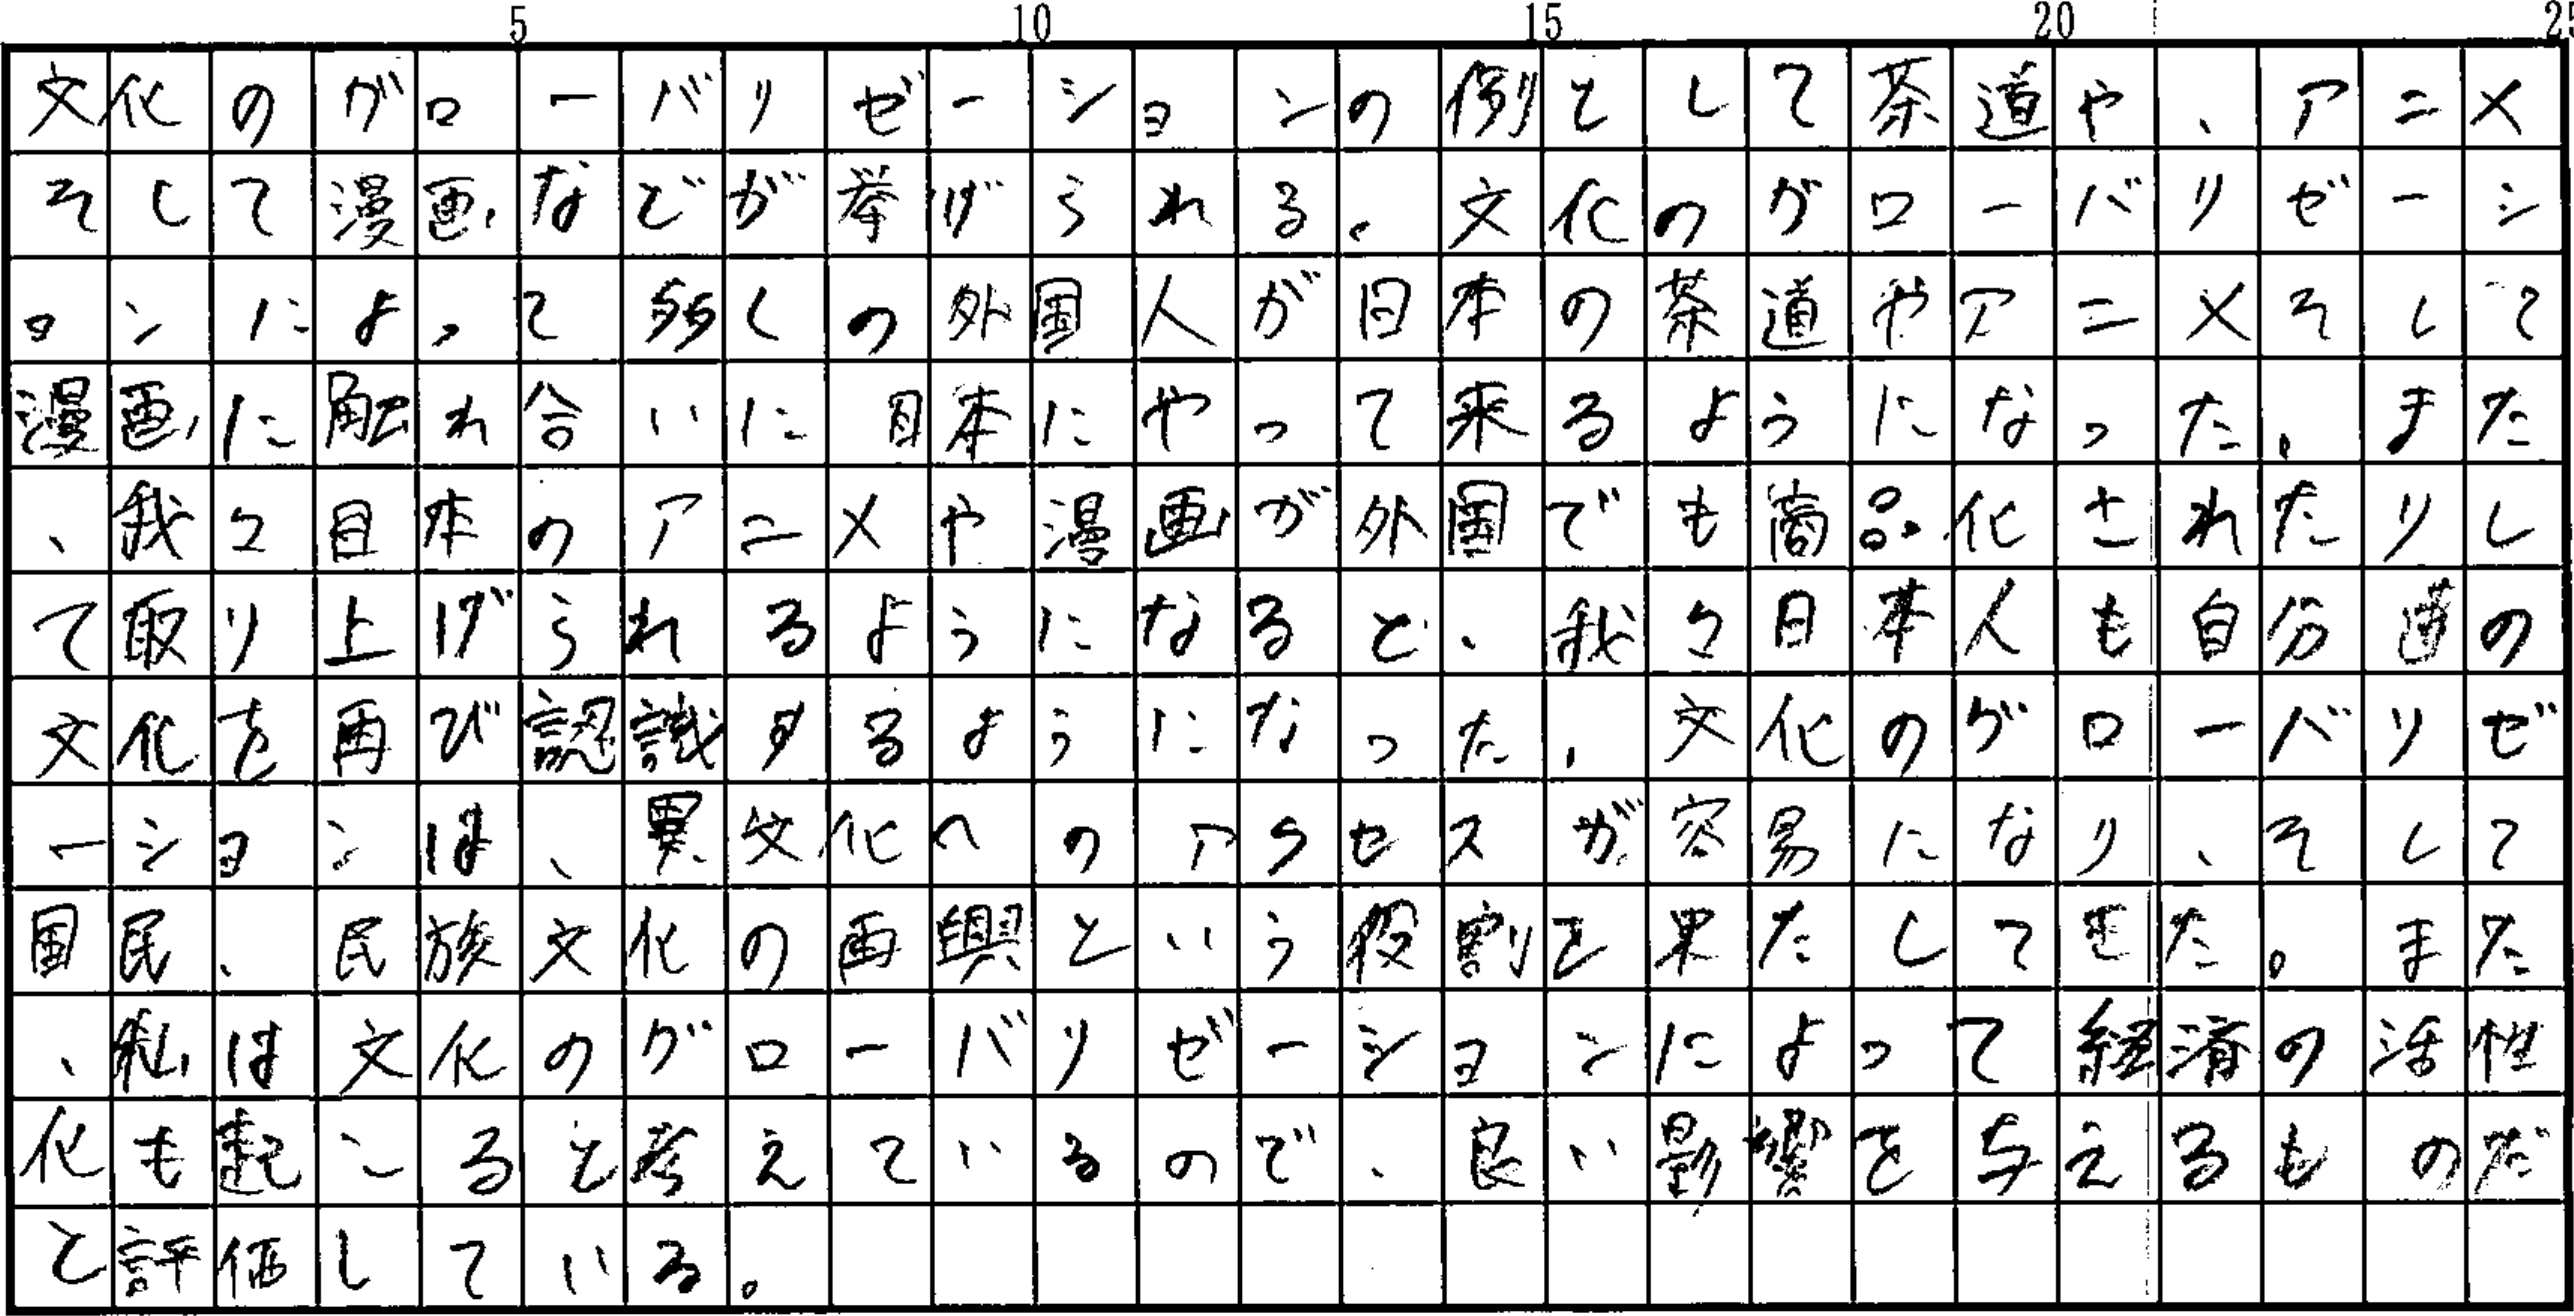文化のグローバリゼーションの例として茶道や、アニメそして漫画などが挙げられる。文化のグローバリゼーションによって多くの外国人が日本の茶道やアニメそして漫画に触れ合いに日本にやって来るようになった。また、我々日本のアニメや漫画が外国でも商品化されたりして取り上げられるようになると、我々日本人も自分達の文化を再び認識するようになった。文化のグローバリゼーションは、異文化へのアクセスが容易になり、そして国民、民族文化の再興という役割を果たしてきた。また、私は文化のグローバリゼーションによって経済の活性化も起こると考えているので、良い影響を与えるものだと評価している。
